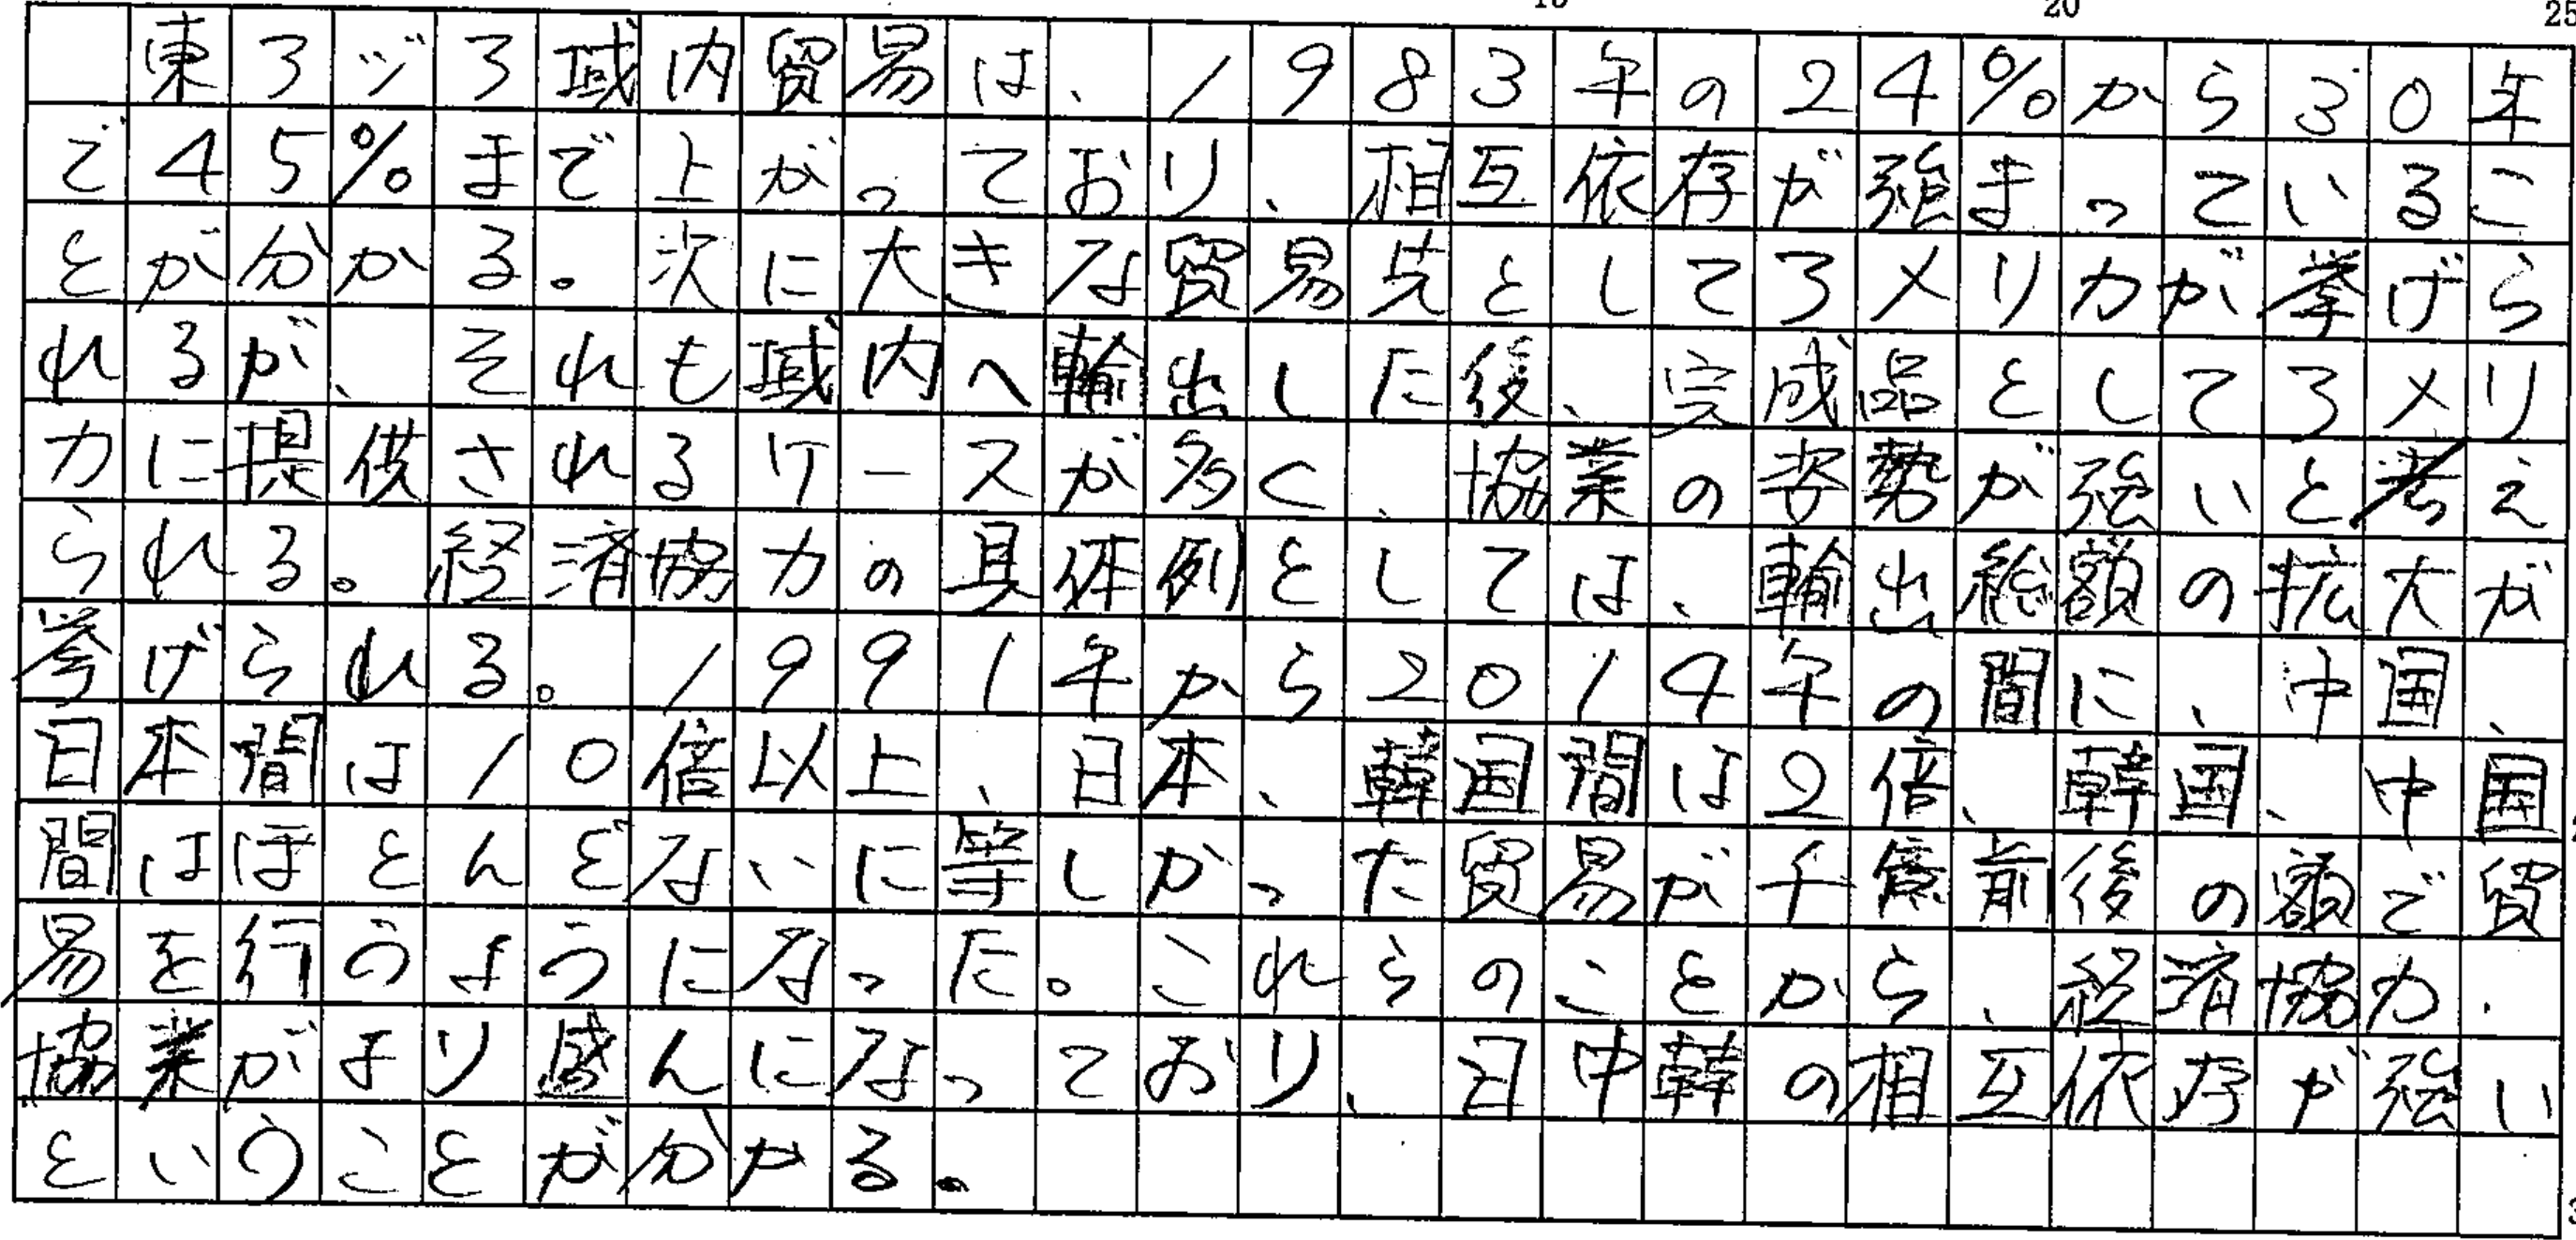　東アジア域内貿易は、１９８３年の２４％から３０年で４５％まで上がっており、相互依存が強まっていることが分かる。次に大きな貿易先としてアメリカが挙げられるが、それも域内へ輸出した後、完成品としてアメリカに提供されるケースが多く、協業の姿勢が強いと考えられる。経済協力の具体例としては、輸出総額の拡大が挙げられる。１９９１年から２０１４年の間に、中国、日本間は１０倍以上、日本、韓国間は２倍、韓国、中国間はほとんどないに等しかった貿易が千億前後の額で貿易を行うようになった。これらのことから、経済協力、協業がより盛んになっており、日中韓の相互依存が強いということが分かる。
